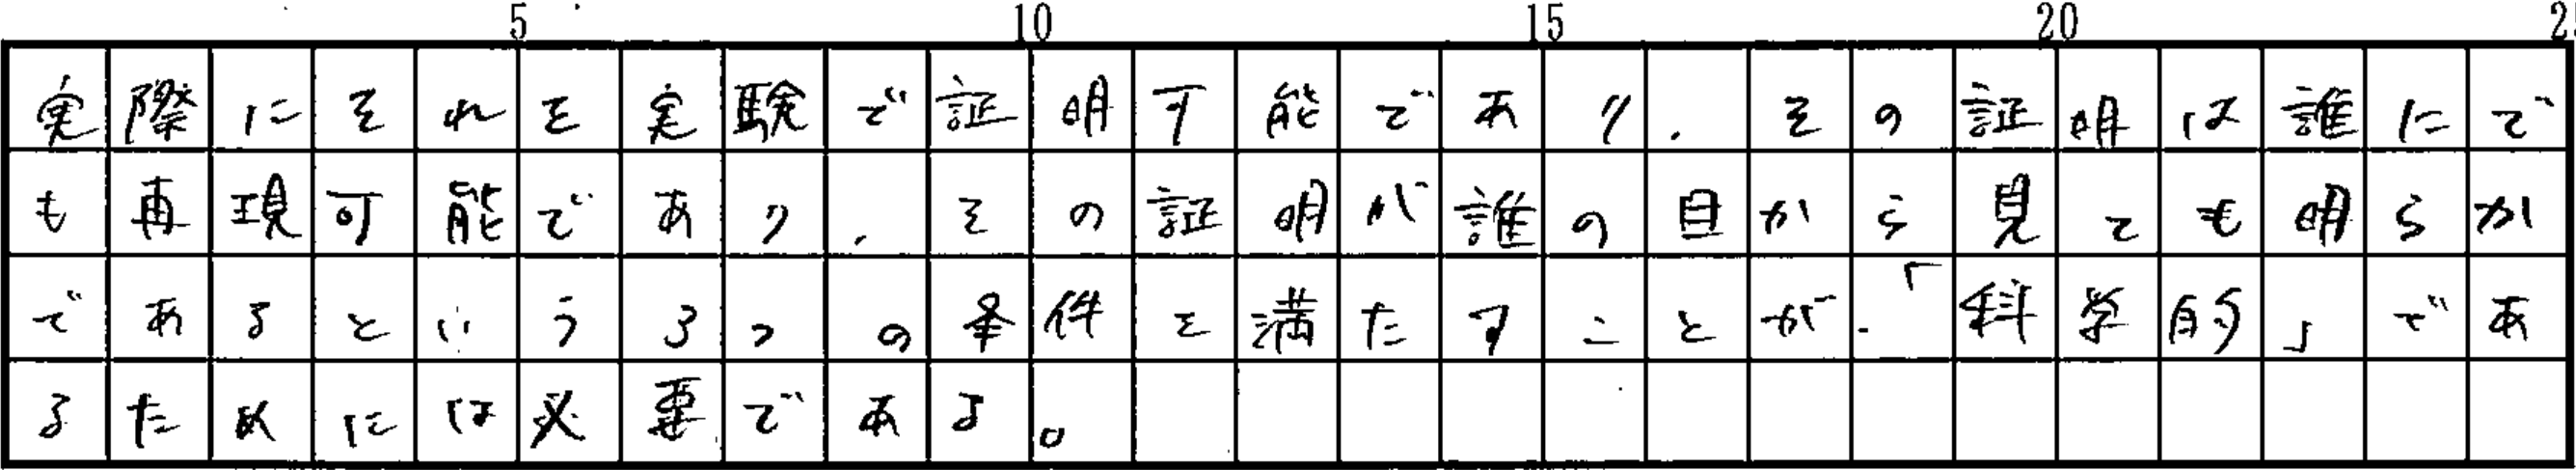実際にそれを実験で証明可能であり、その証明は誰にでも再現可能であり、その証明が誰の目から見ても明らかであるという３つの条件を満たすことが「科学的」であるためには必要である。
